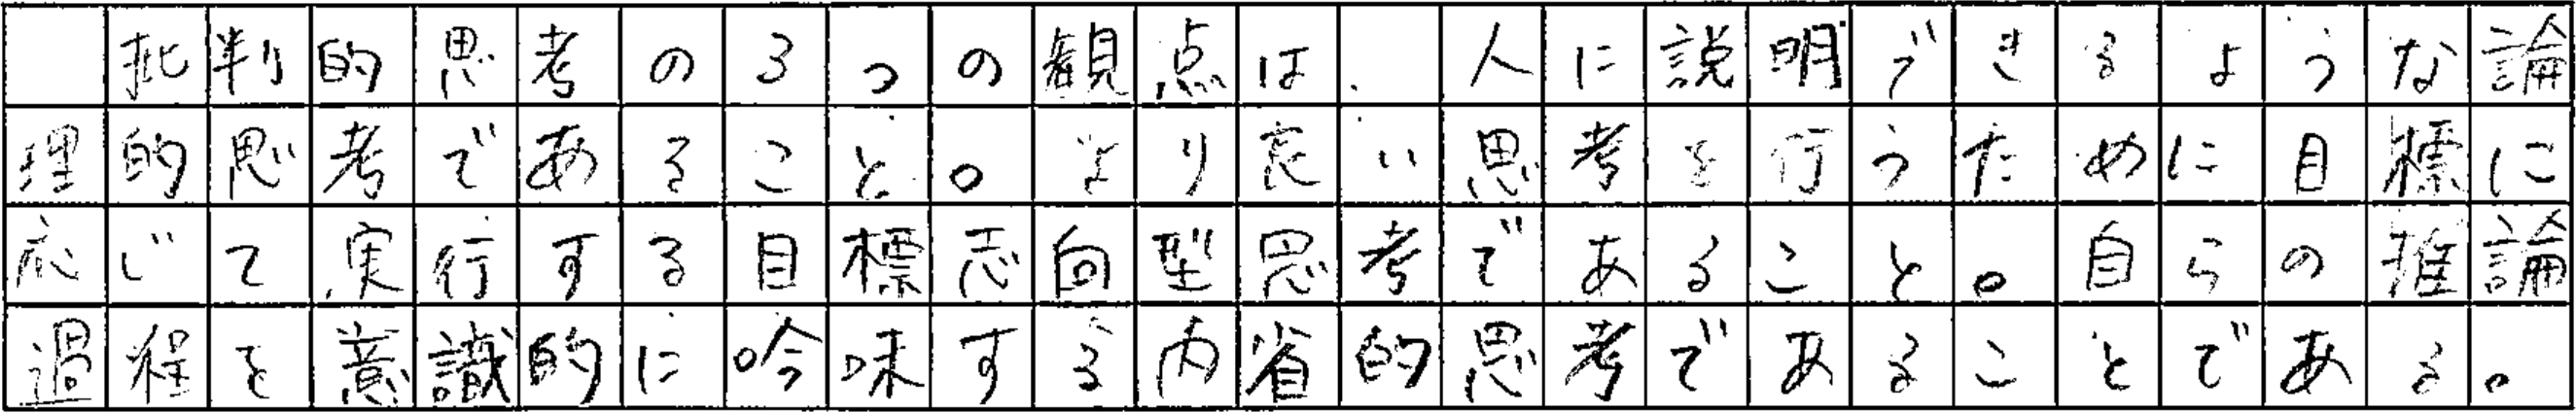　批判的思考の３つの観点は、人に説明できるような論理的思考であること。より良い思考を行うために目標に応じて実行する目標志向型思考であること。自らの推論過程を意識的に吟味する内省的思考であることである。
